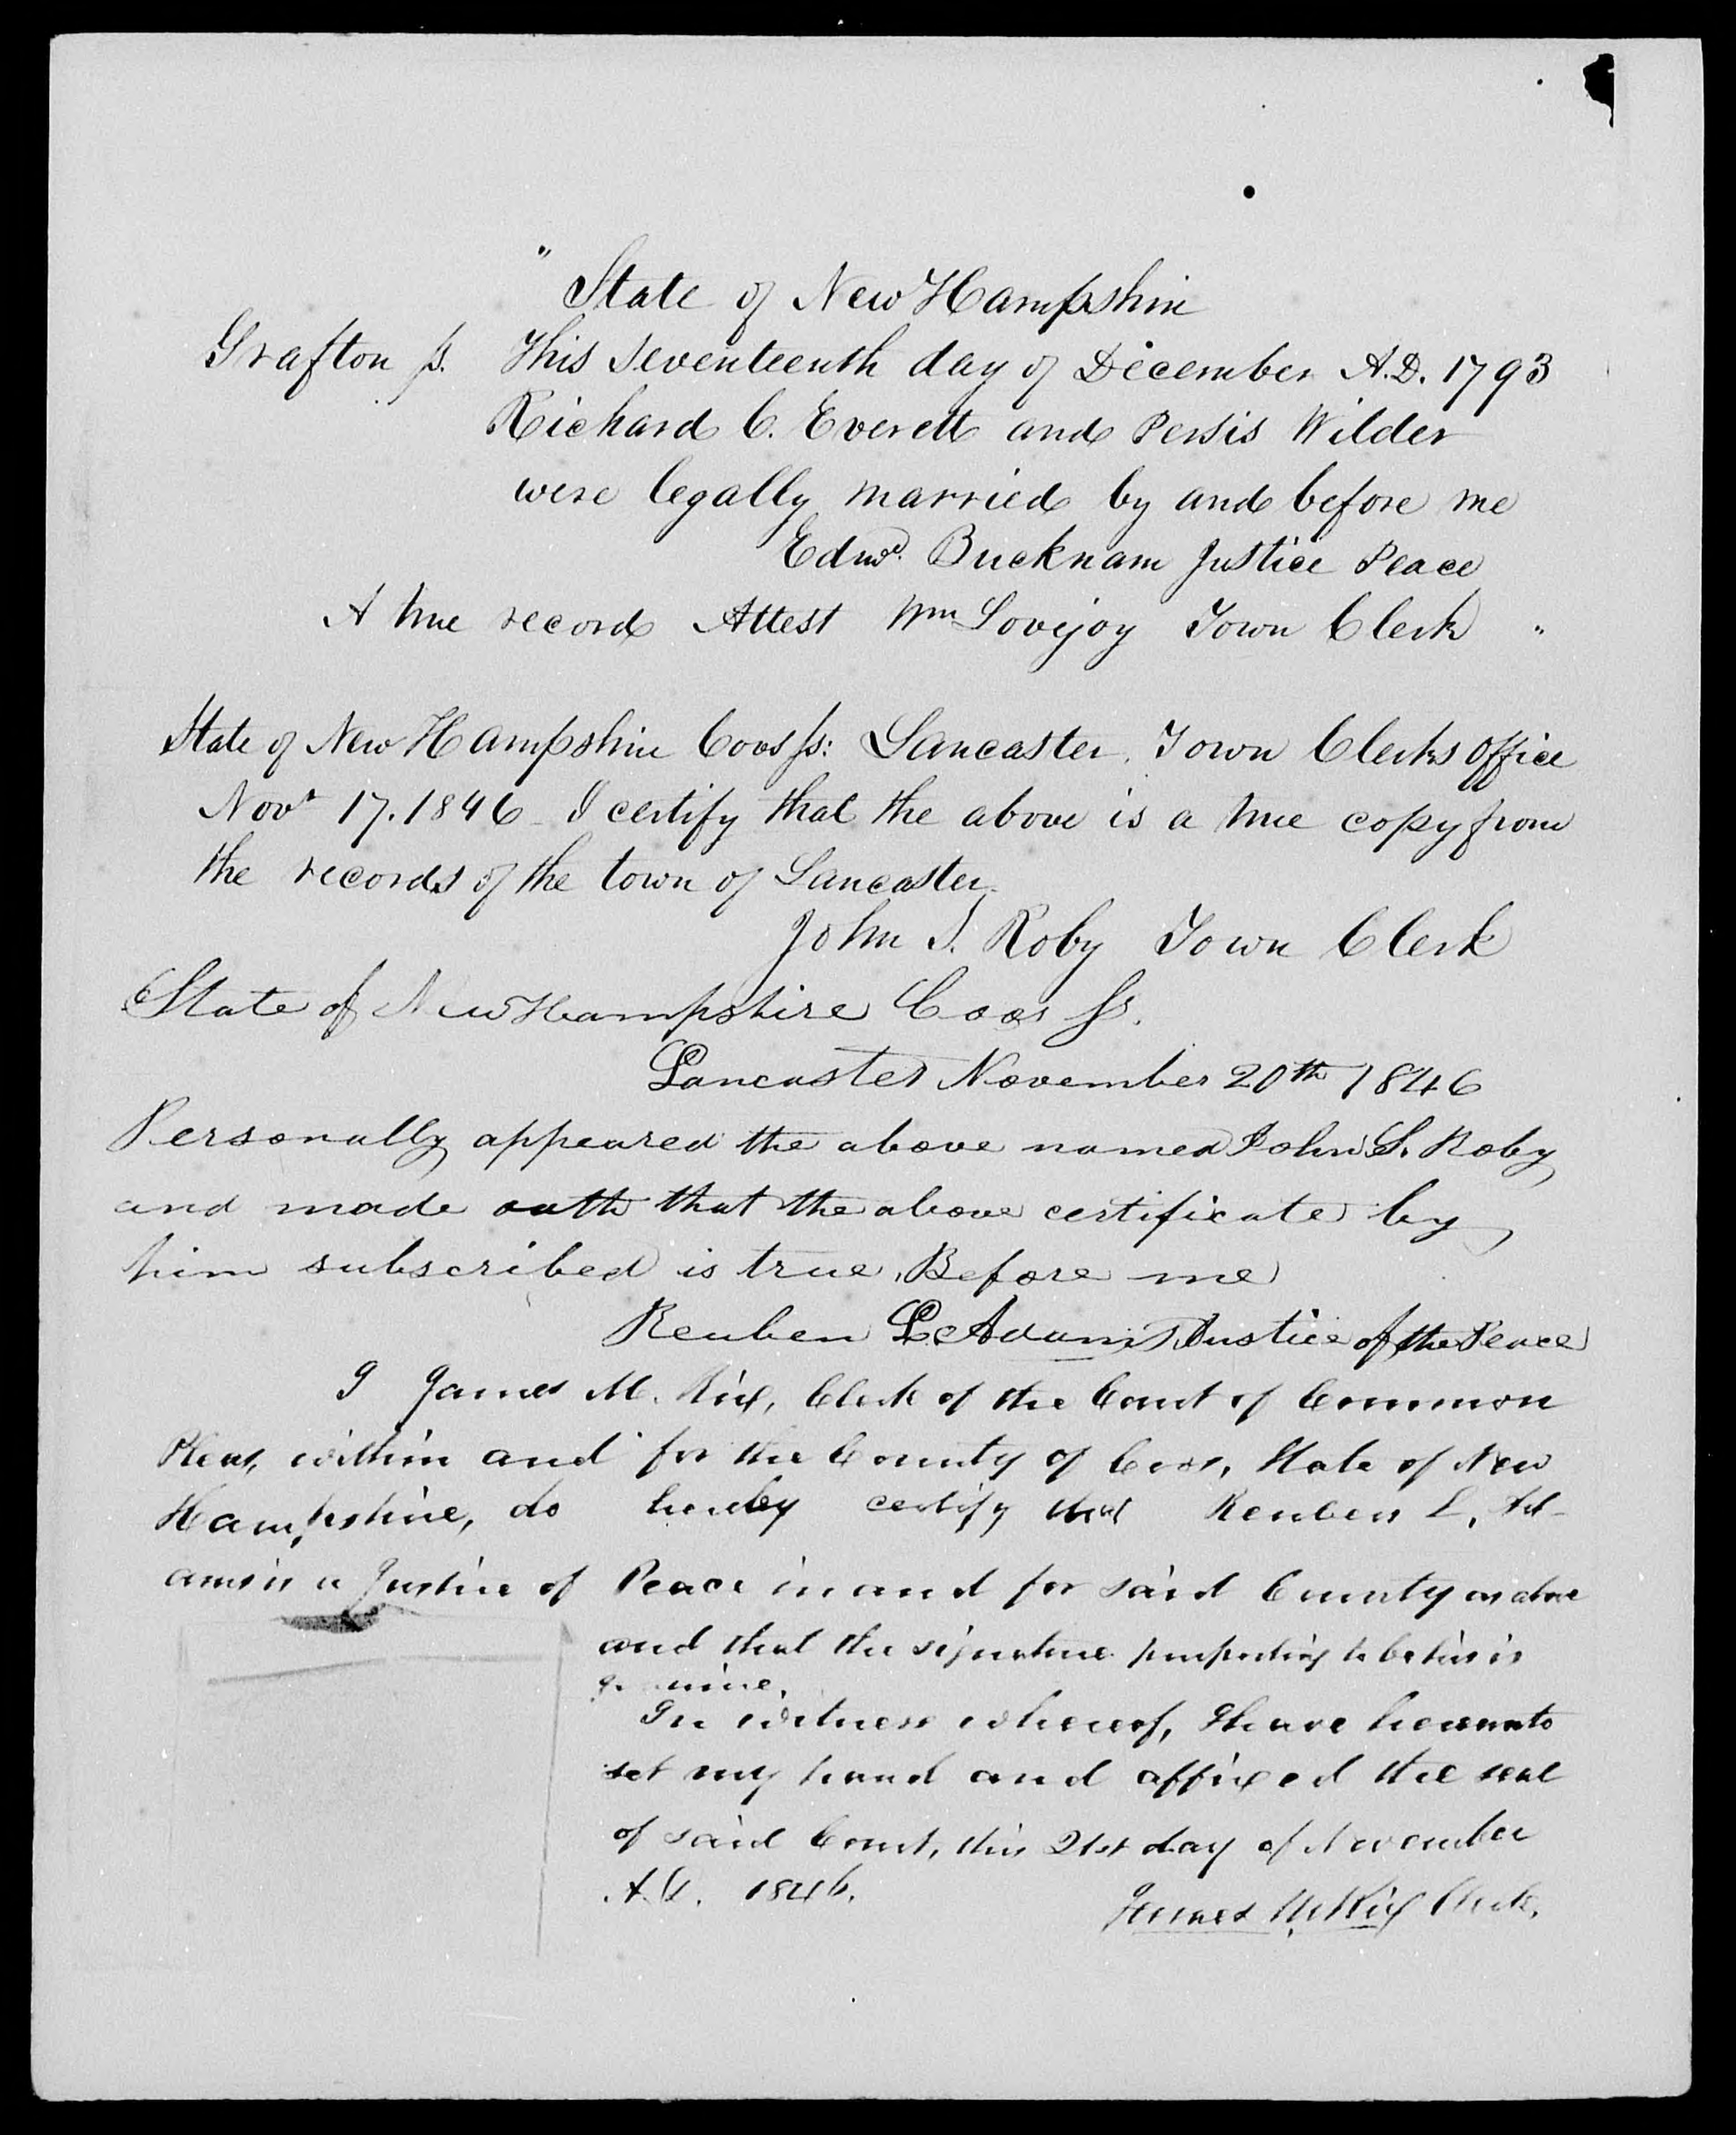"State of New Hampshire
Grafton S. this seventeenth day of December A.D. 1793
Richard C. Everett and Persis Wilder
were legally married by and before me
Edwd Bucknam Justice Peace
A true record Attest Wm Lovejoy Town Clerk"
State of New Hampshire Coos ss: Lancaster
Town Clerks office
Nov 17. 1846. I certify that the above is a true copy from the records of the town of Lancaster
John S. Roby Town Clerk
State of New Hampshire Coos ss
Lancaster November 20th 1846
Personally appeared the above named John S. Roby and made oath that the above certificate by him subscribed is true Before me
Reuben L. Adams Justice of the Peace
-
I James M Rix, Clerk of the Court of Common
Pleas, within and for the County of Cook, State of New Hampshire, do hereby certify that Reuben L Adams is a Justice of
Peace in and for said County as above
and that the signature purporting to be his is
genuine.
In witness whereof, I have hereunto
set my hand and affixed the seal
of said Court, this 21st day of November
A. 6, 1846,
[Fred] Milling Clerk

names: Persis Wilder, Reuben L Adams, John S Roby, James M Rix, James M Rix, Edmd Bucknam, John S Roby, Reuben L Adams, Richard C Everett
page: 3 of 59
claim: widow's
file: W. 23017, Richard Clair Everett, Mass.